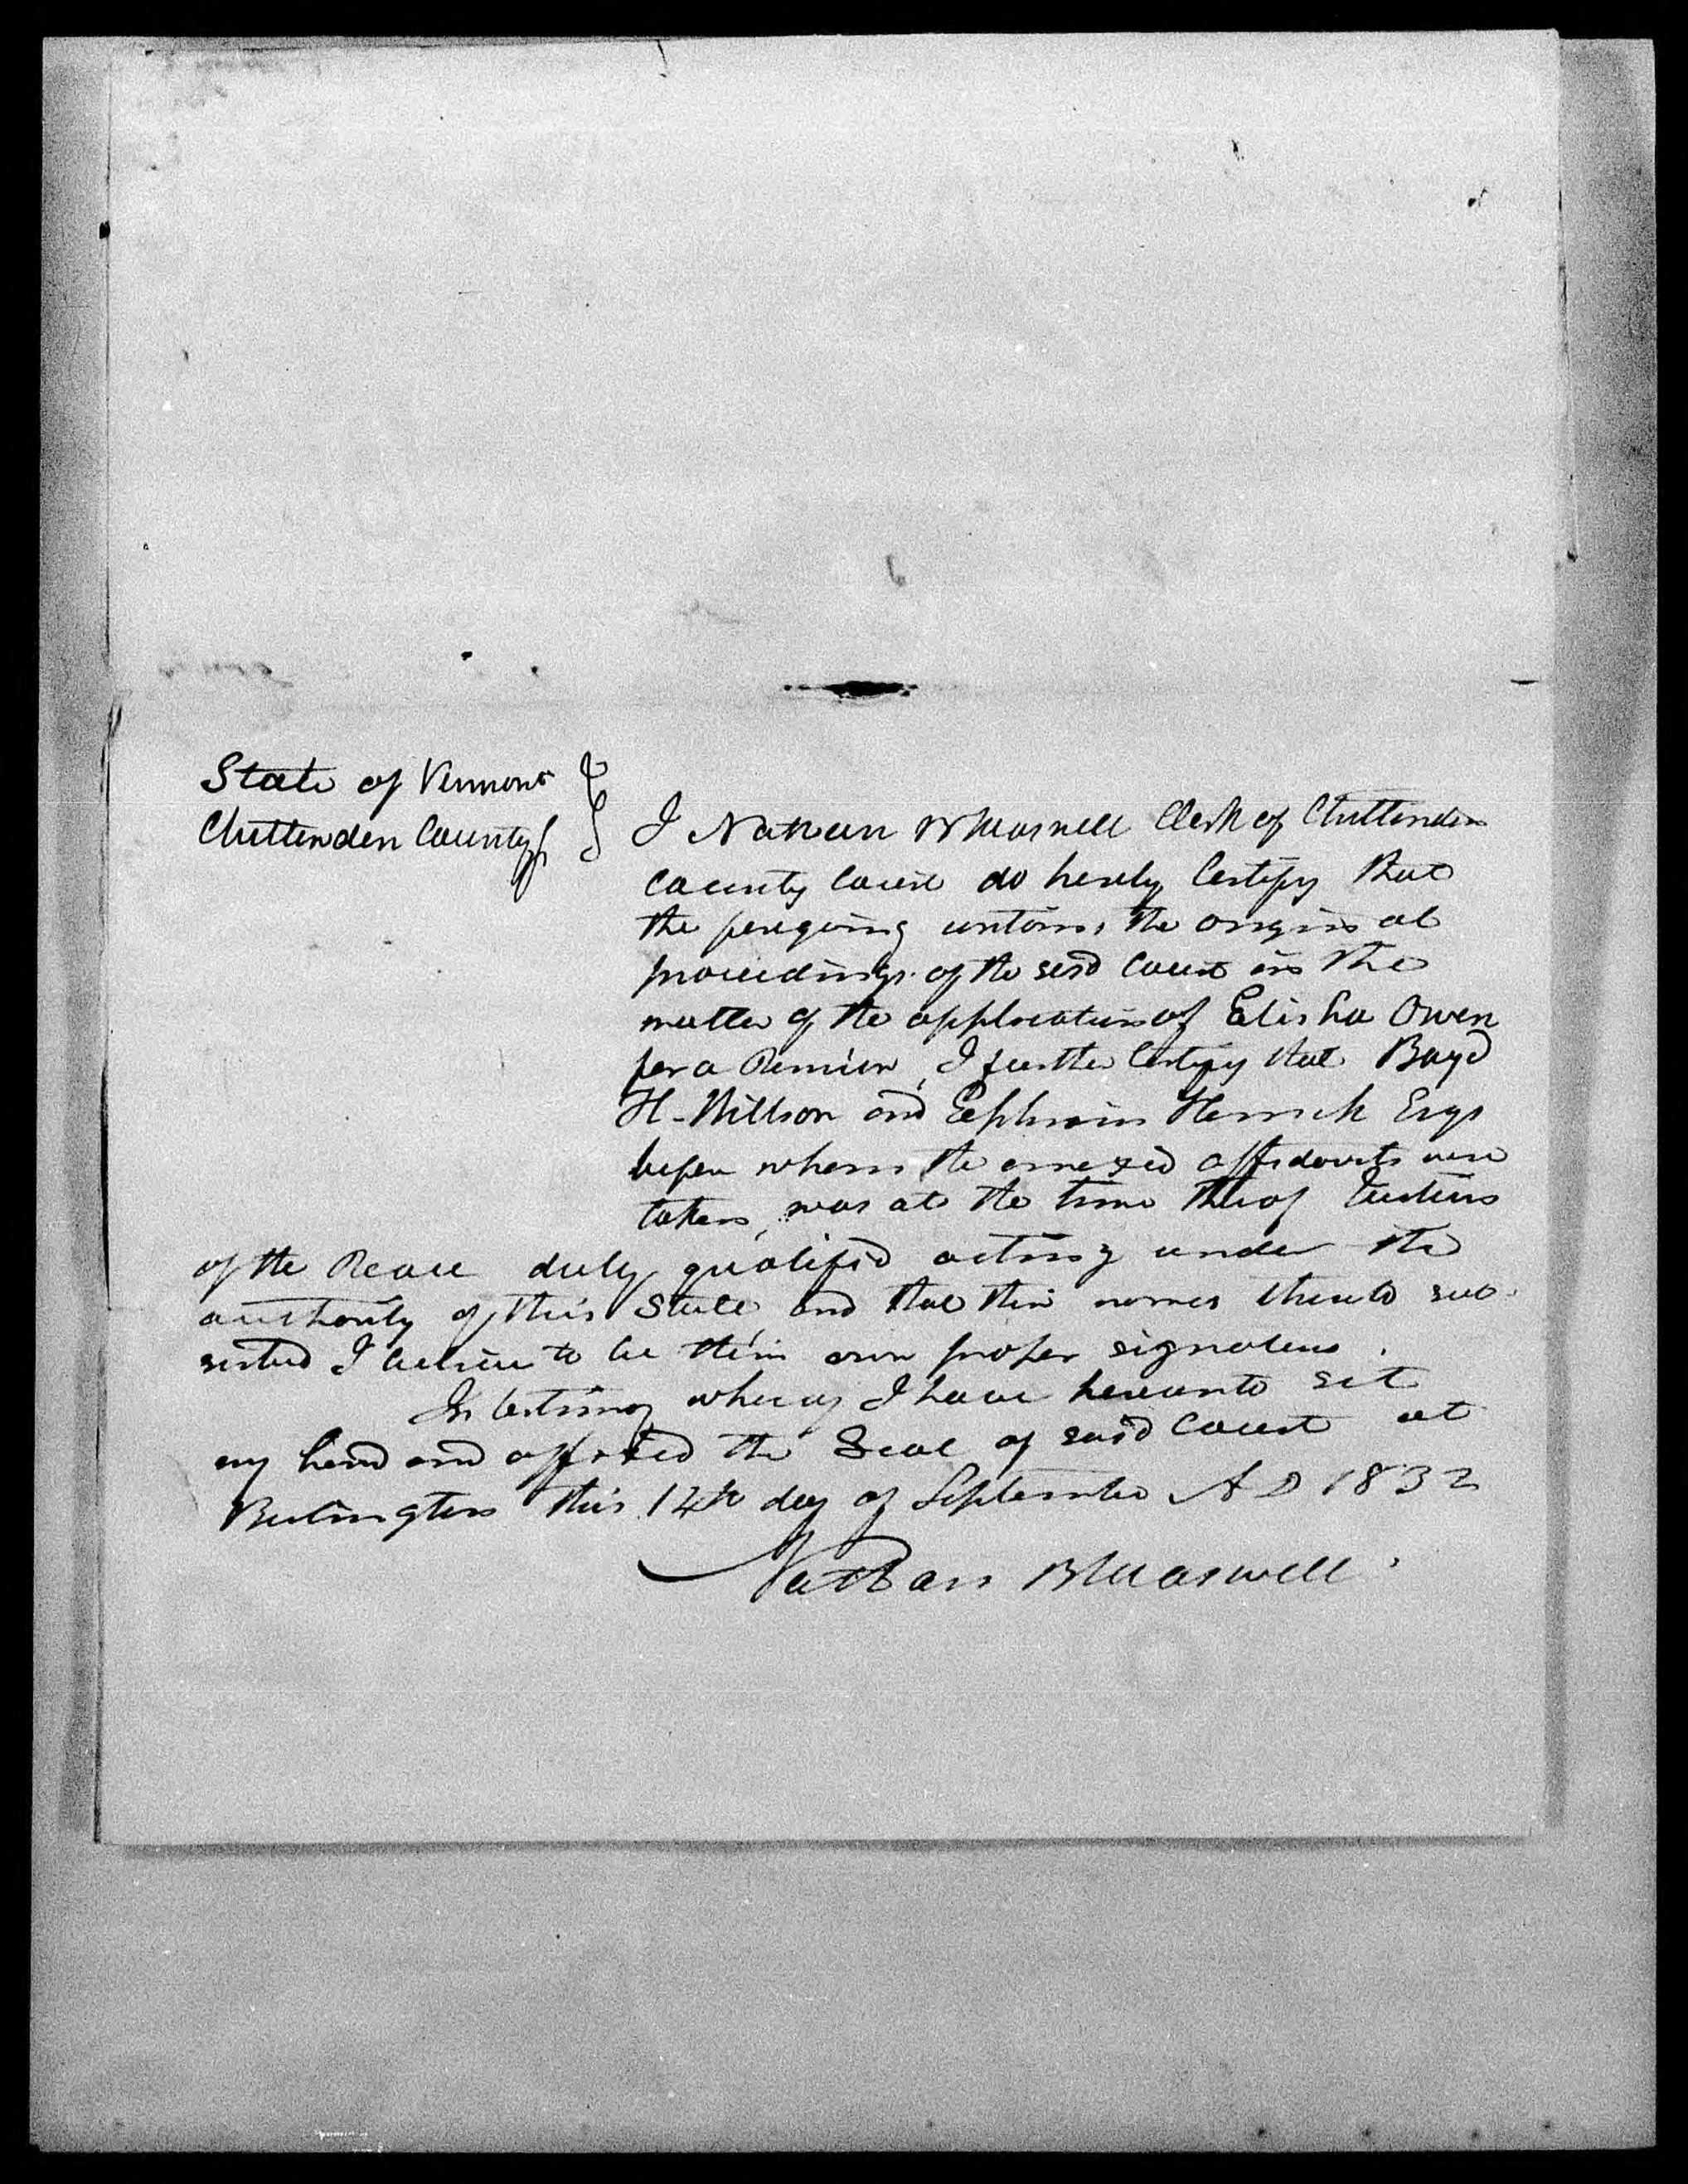State of Vermont
Chittenden County
I Nathan Warnell Clerk of Chittenden
County Court do hereby certify that the
foregoing untoins the original
proceedings of the said Court in the
matter of the application of Elisha Owen
for a Pension.  I further certify that Boyd
H. Willson and Ephraim Herrick Esqr
before whom the annexed affidavits were
taken was at the time thereof Justice
of the Peace duly qualifed acting under the
authority of this State and that the names thereto subscribed I believe to be their own proper signature
In testimony whereof I have hereunto set
my hand and affixed the Seal of said Court at
Burlington this 14th day of September AD 1832
Nathan Braswell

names: Boyd H Willson; Nathan B Maswell; Elisha Owen; Ephraim Herrick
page: 9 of 23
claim: survivor's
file: S 14072, for Elisha Owen, Vermont